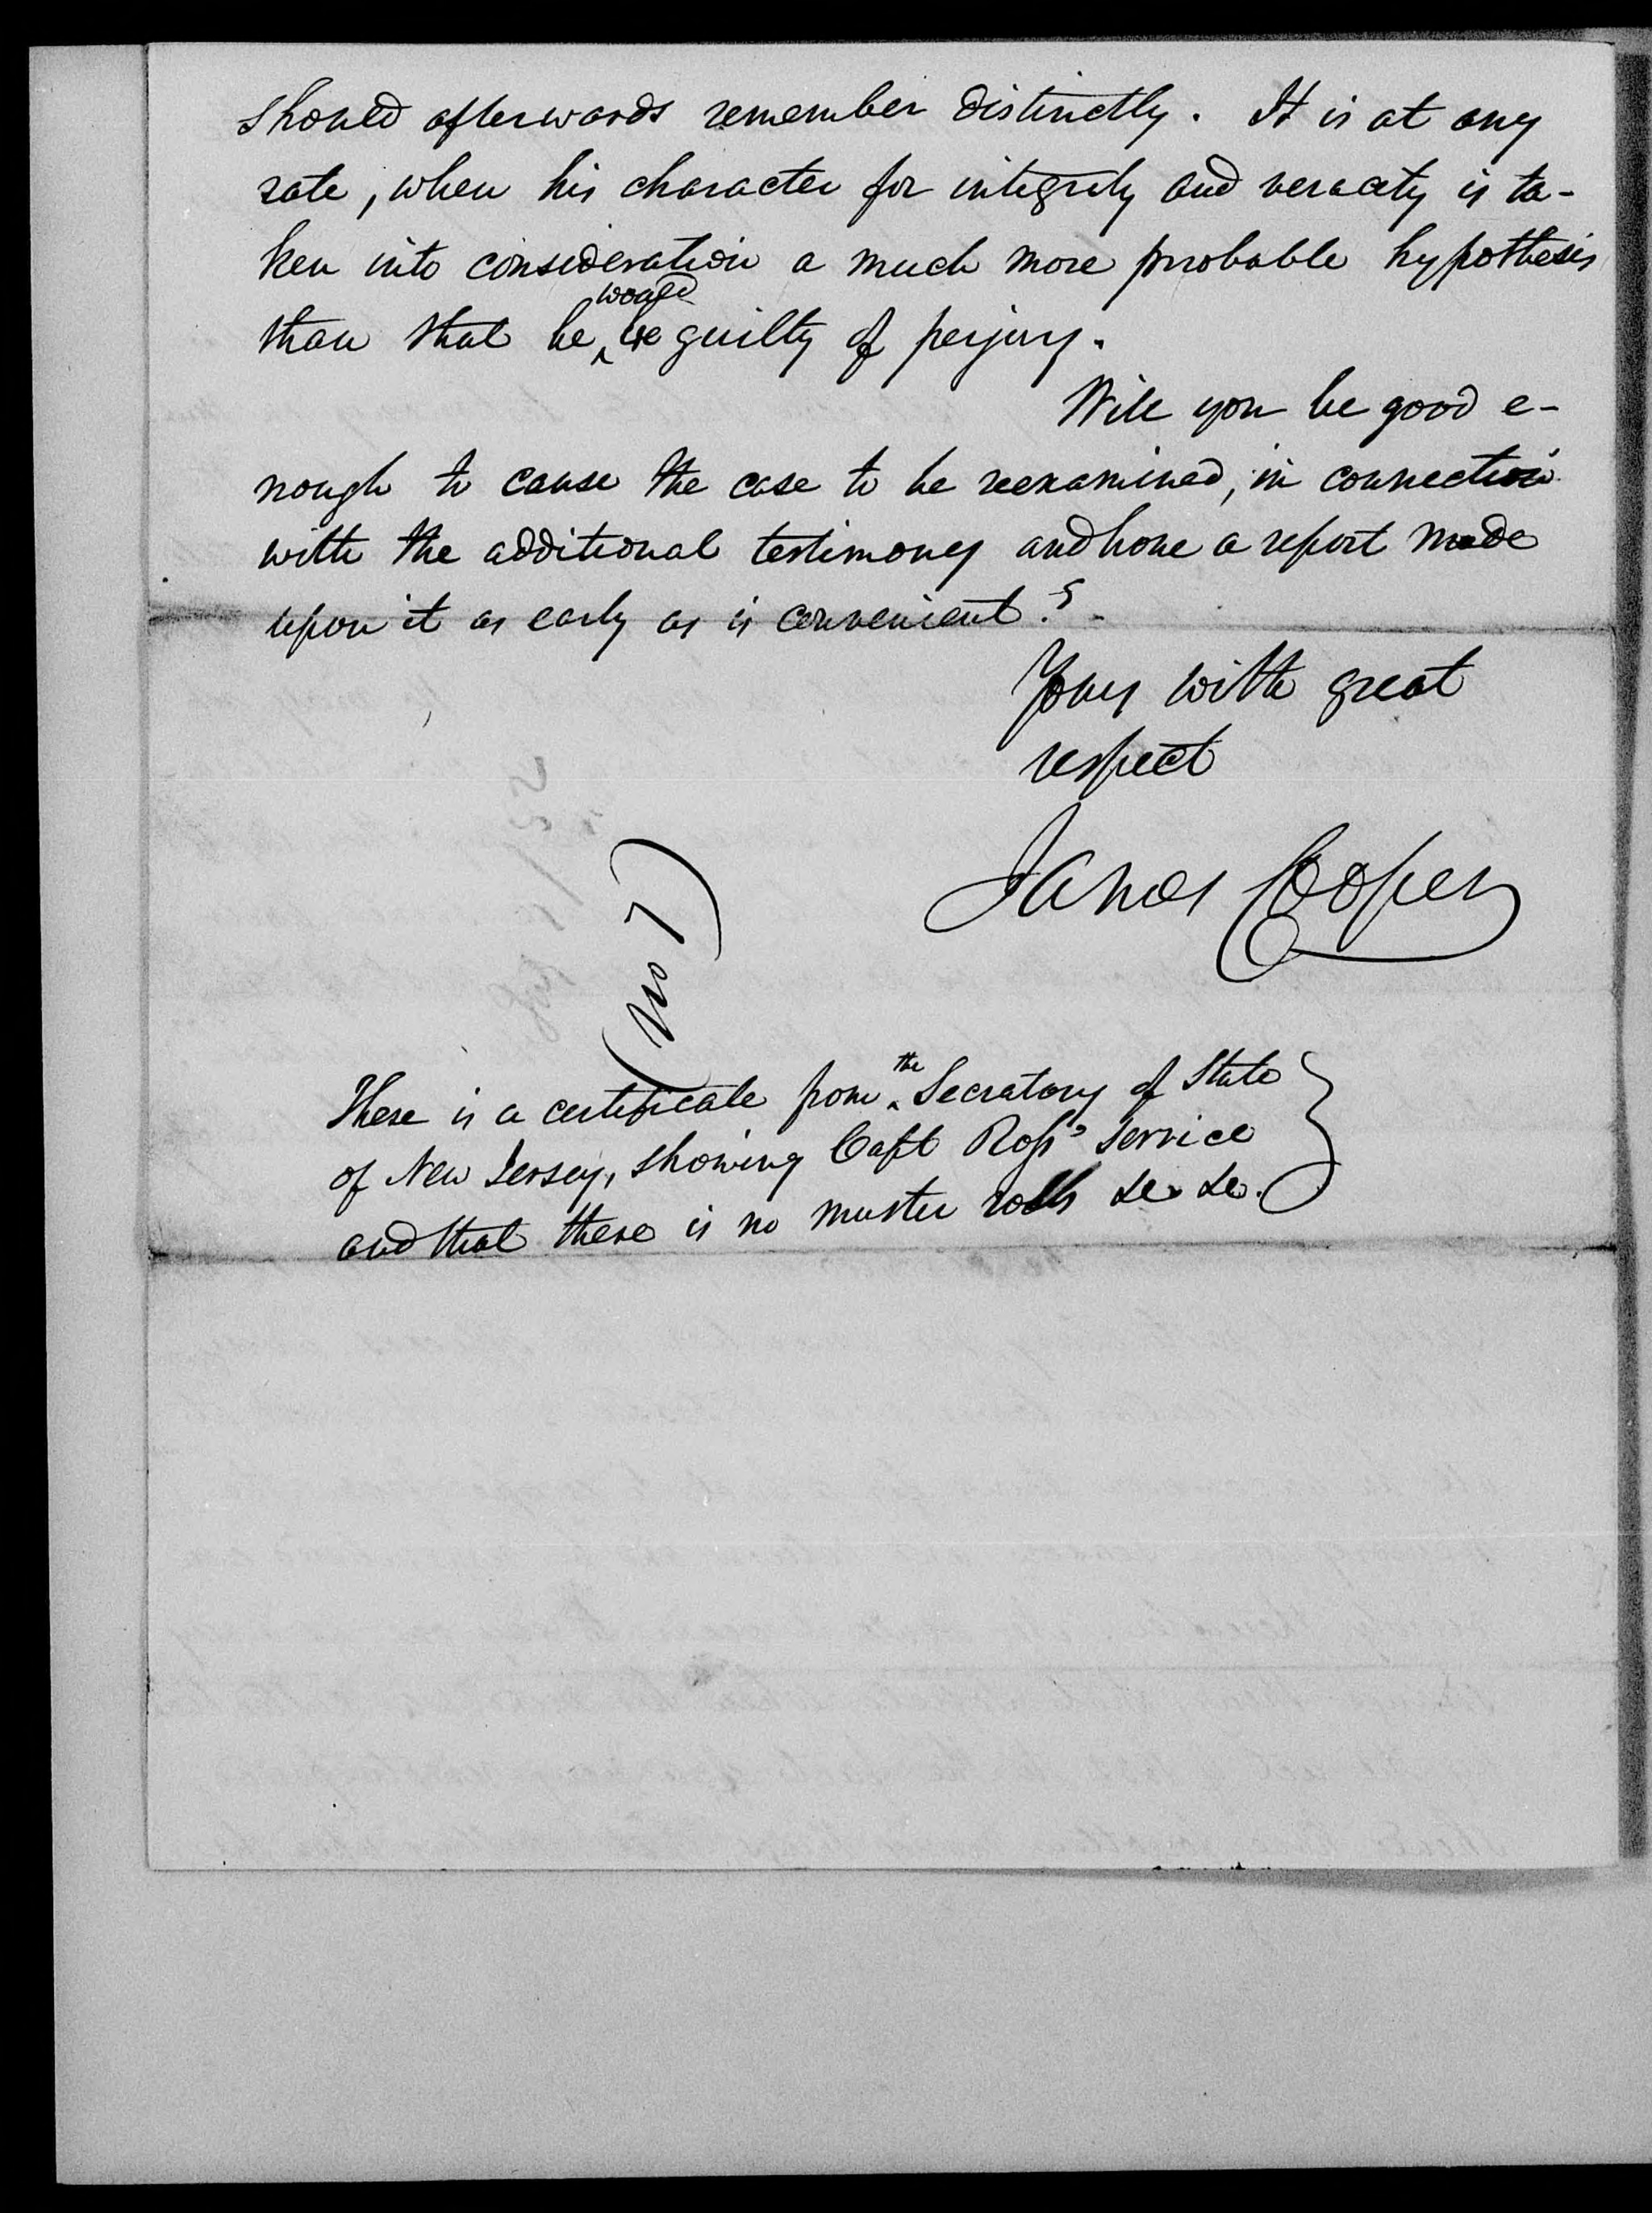...should afterwards remember distinctly. It is at any rate, when his character for integrity and veracity is taken into consideration a much more probable hypothesis than that he would be guilty of perjury.

Will you be good enough to cause the case to be examined, in connection with the additional testimony and have a report made upon it as early as is convenient?

Yours with great respect,
s/ James Coper

(No. 7)

There is a certificate from the Secretary of State of New Jersey showing Capt. Ross' service and that there is no muster rolls &c. &c.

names: [BLANK] Ross; James Cooper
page: 64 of 95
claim: survivor's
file: S 2889, for Levi Mundy, New Jersey